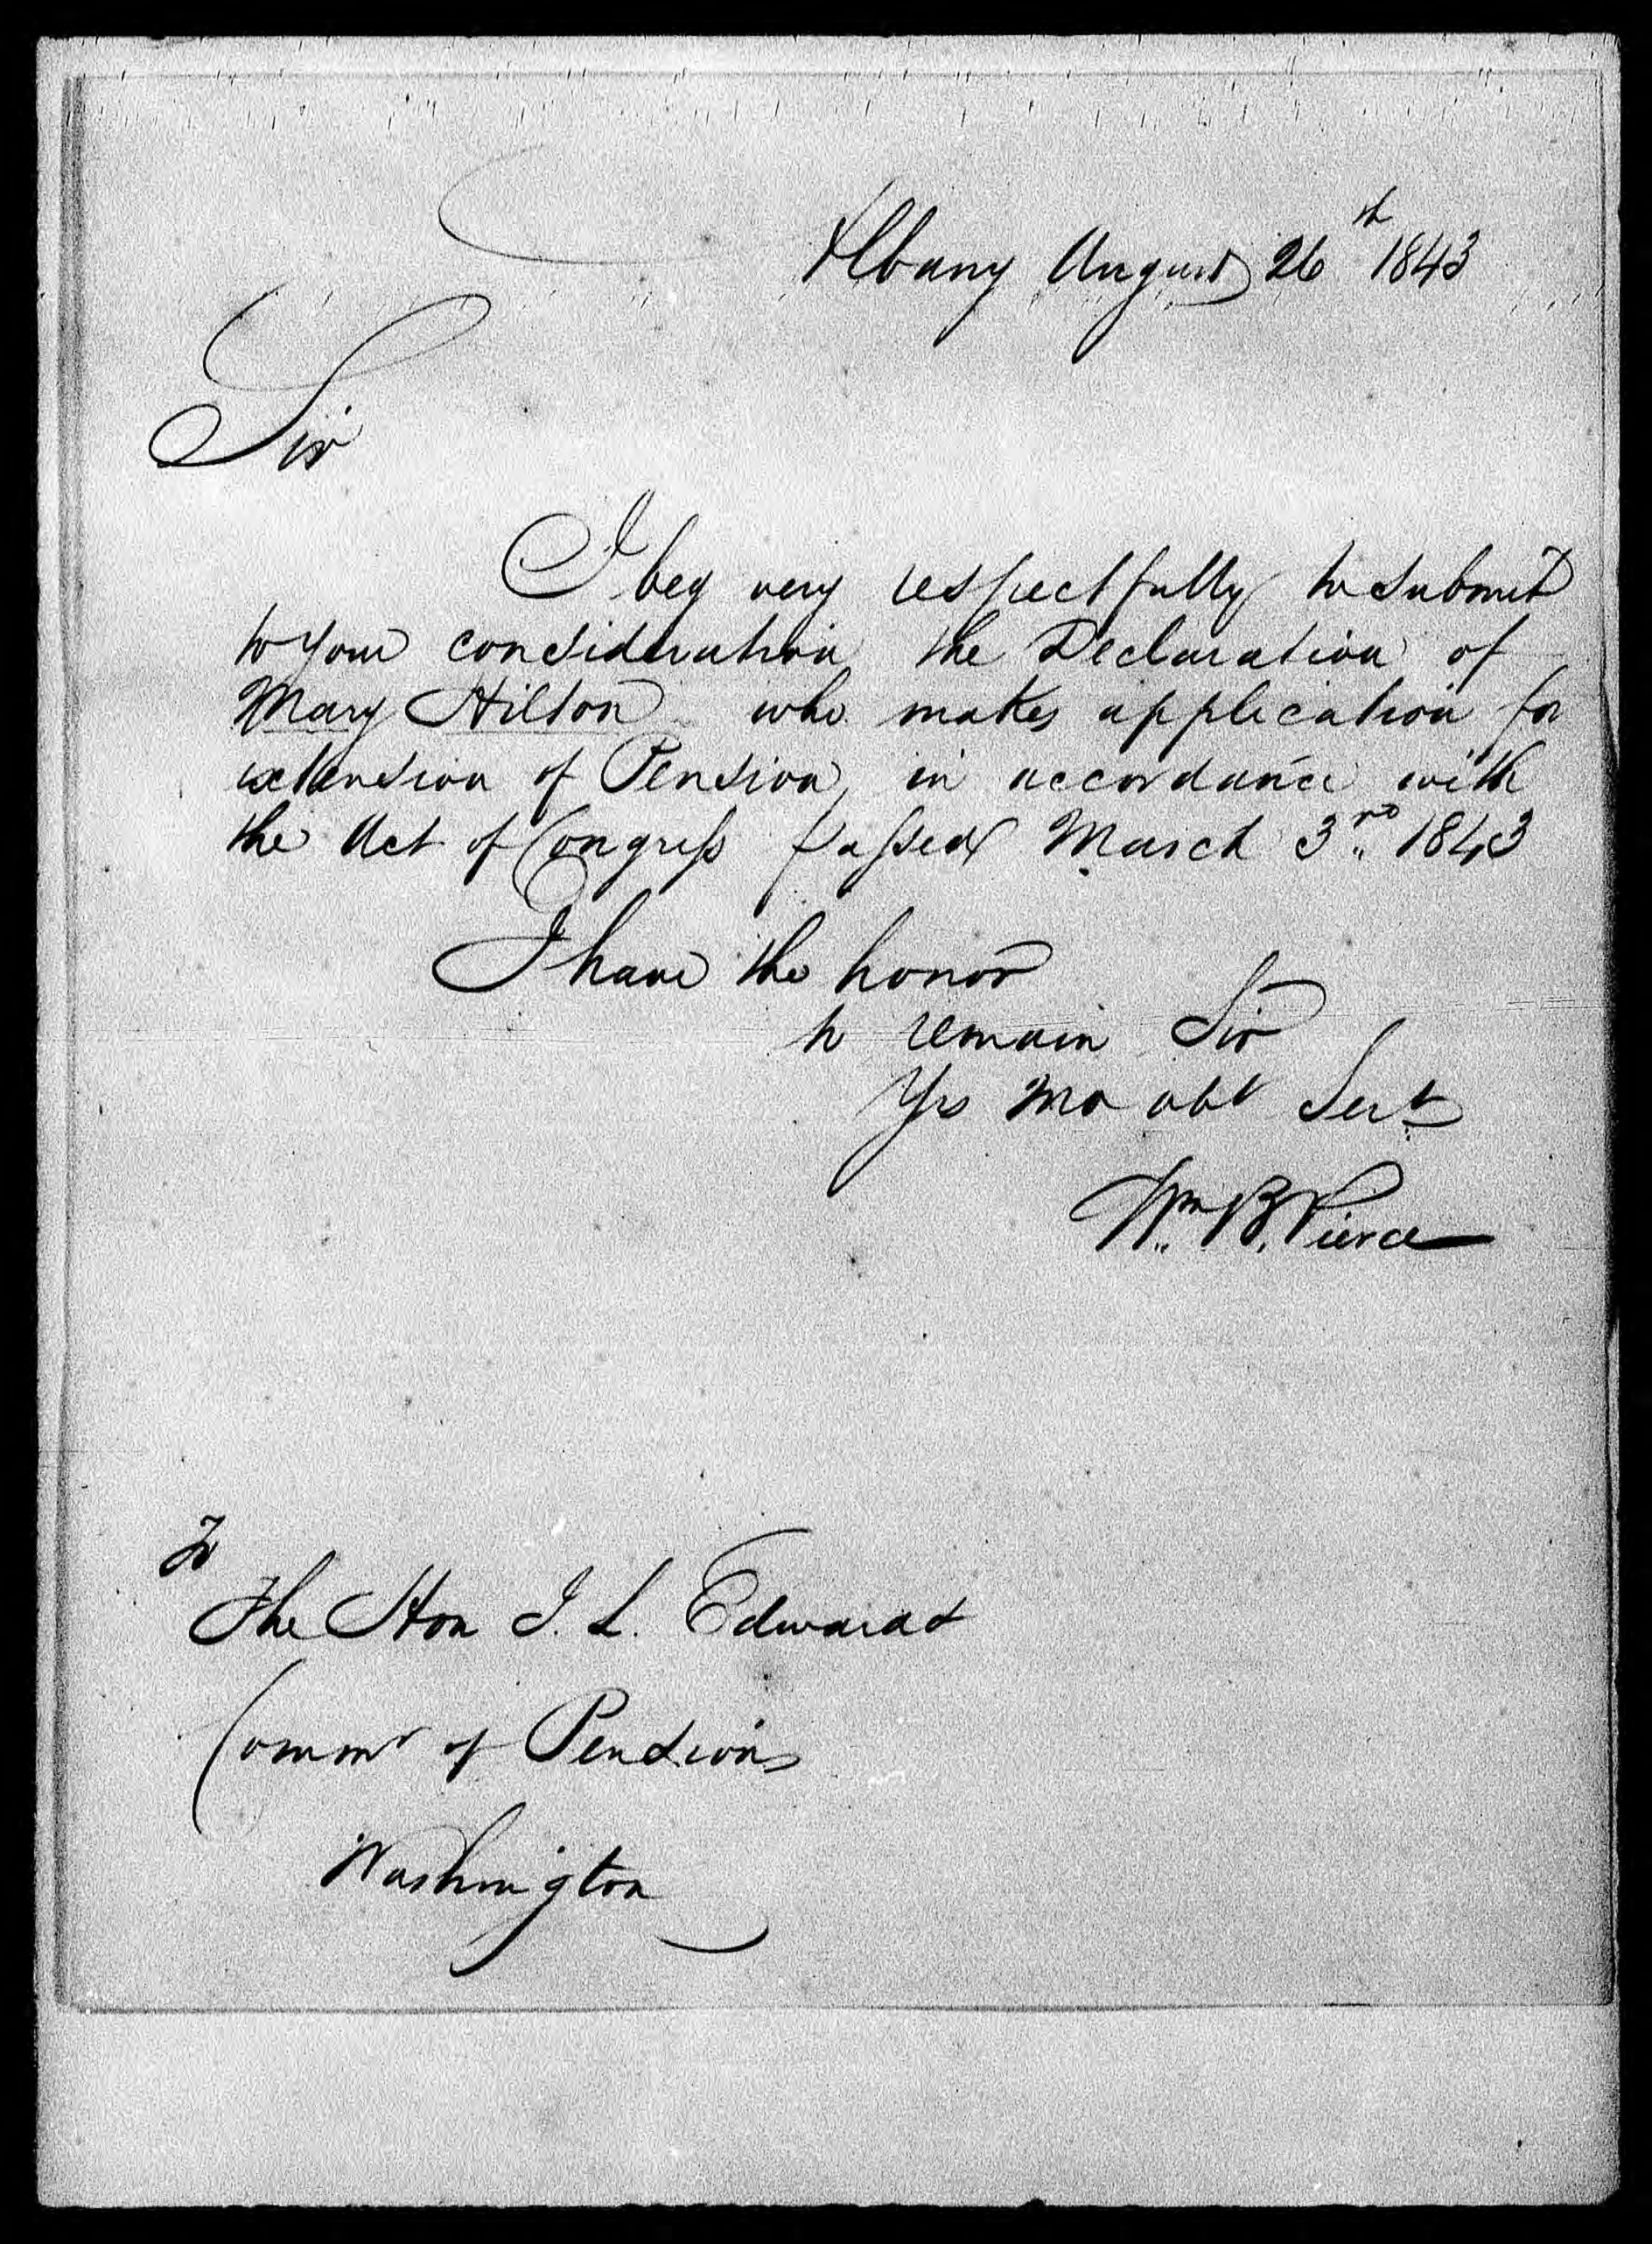Albany August 26th 1843

Sir,

I beg very respectfully to submit to your consideration the Declaration of Mary Hilton who makes application for[illegible] of Pension in accordance with the Act of Congress passed March 3rd 1843. 

I have the honor to remain Sir Yr Mo Ob Sert [You Most Obedient Servant]

Wm B. Pierce

To The Hon. J. L. Edwards
Commr of Pensions
Washington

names: Mary Hilton, J L Edwards, Wm B Pierce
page: 36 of 48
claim: widow's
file: W. 19788, Jacob W Hilton, New York